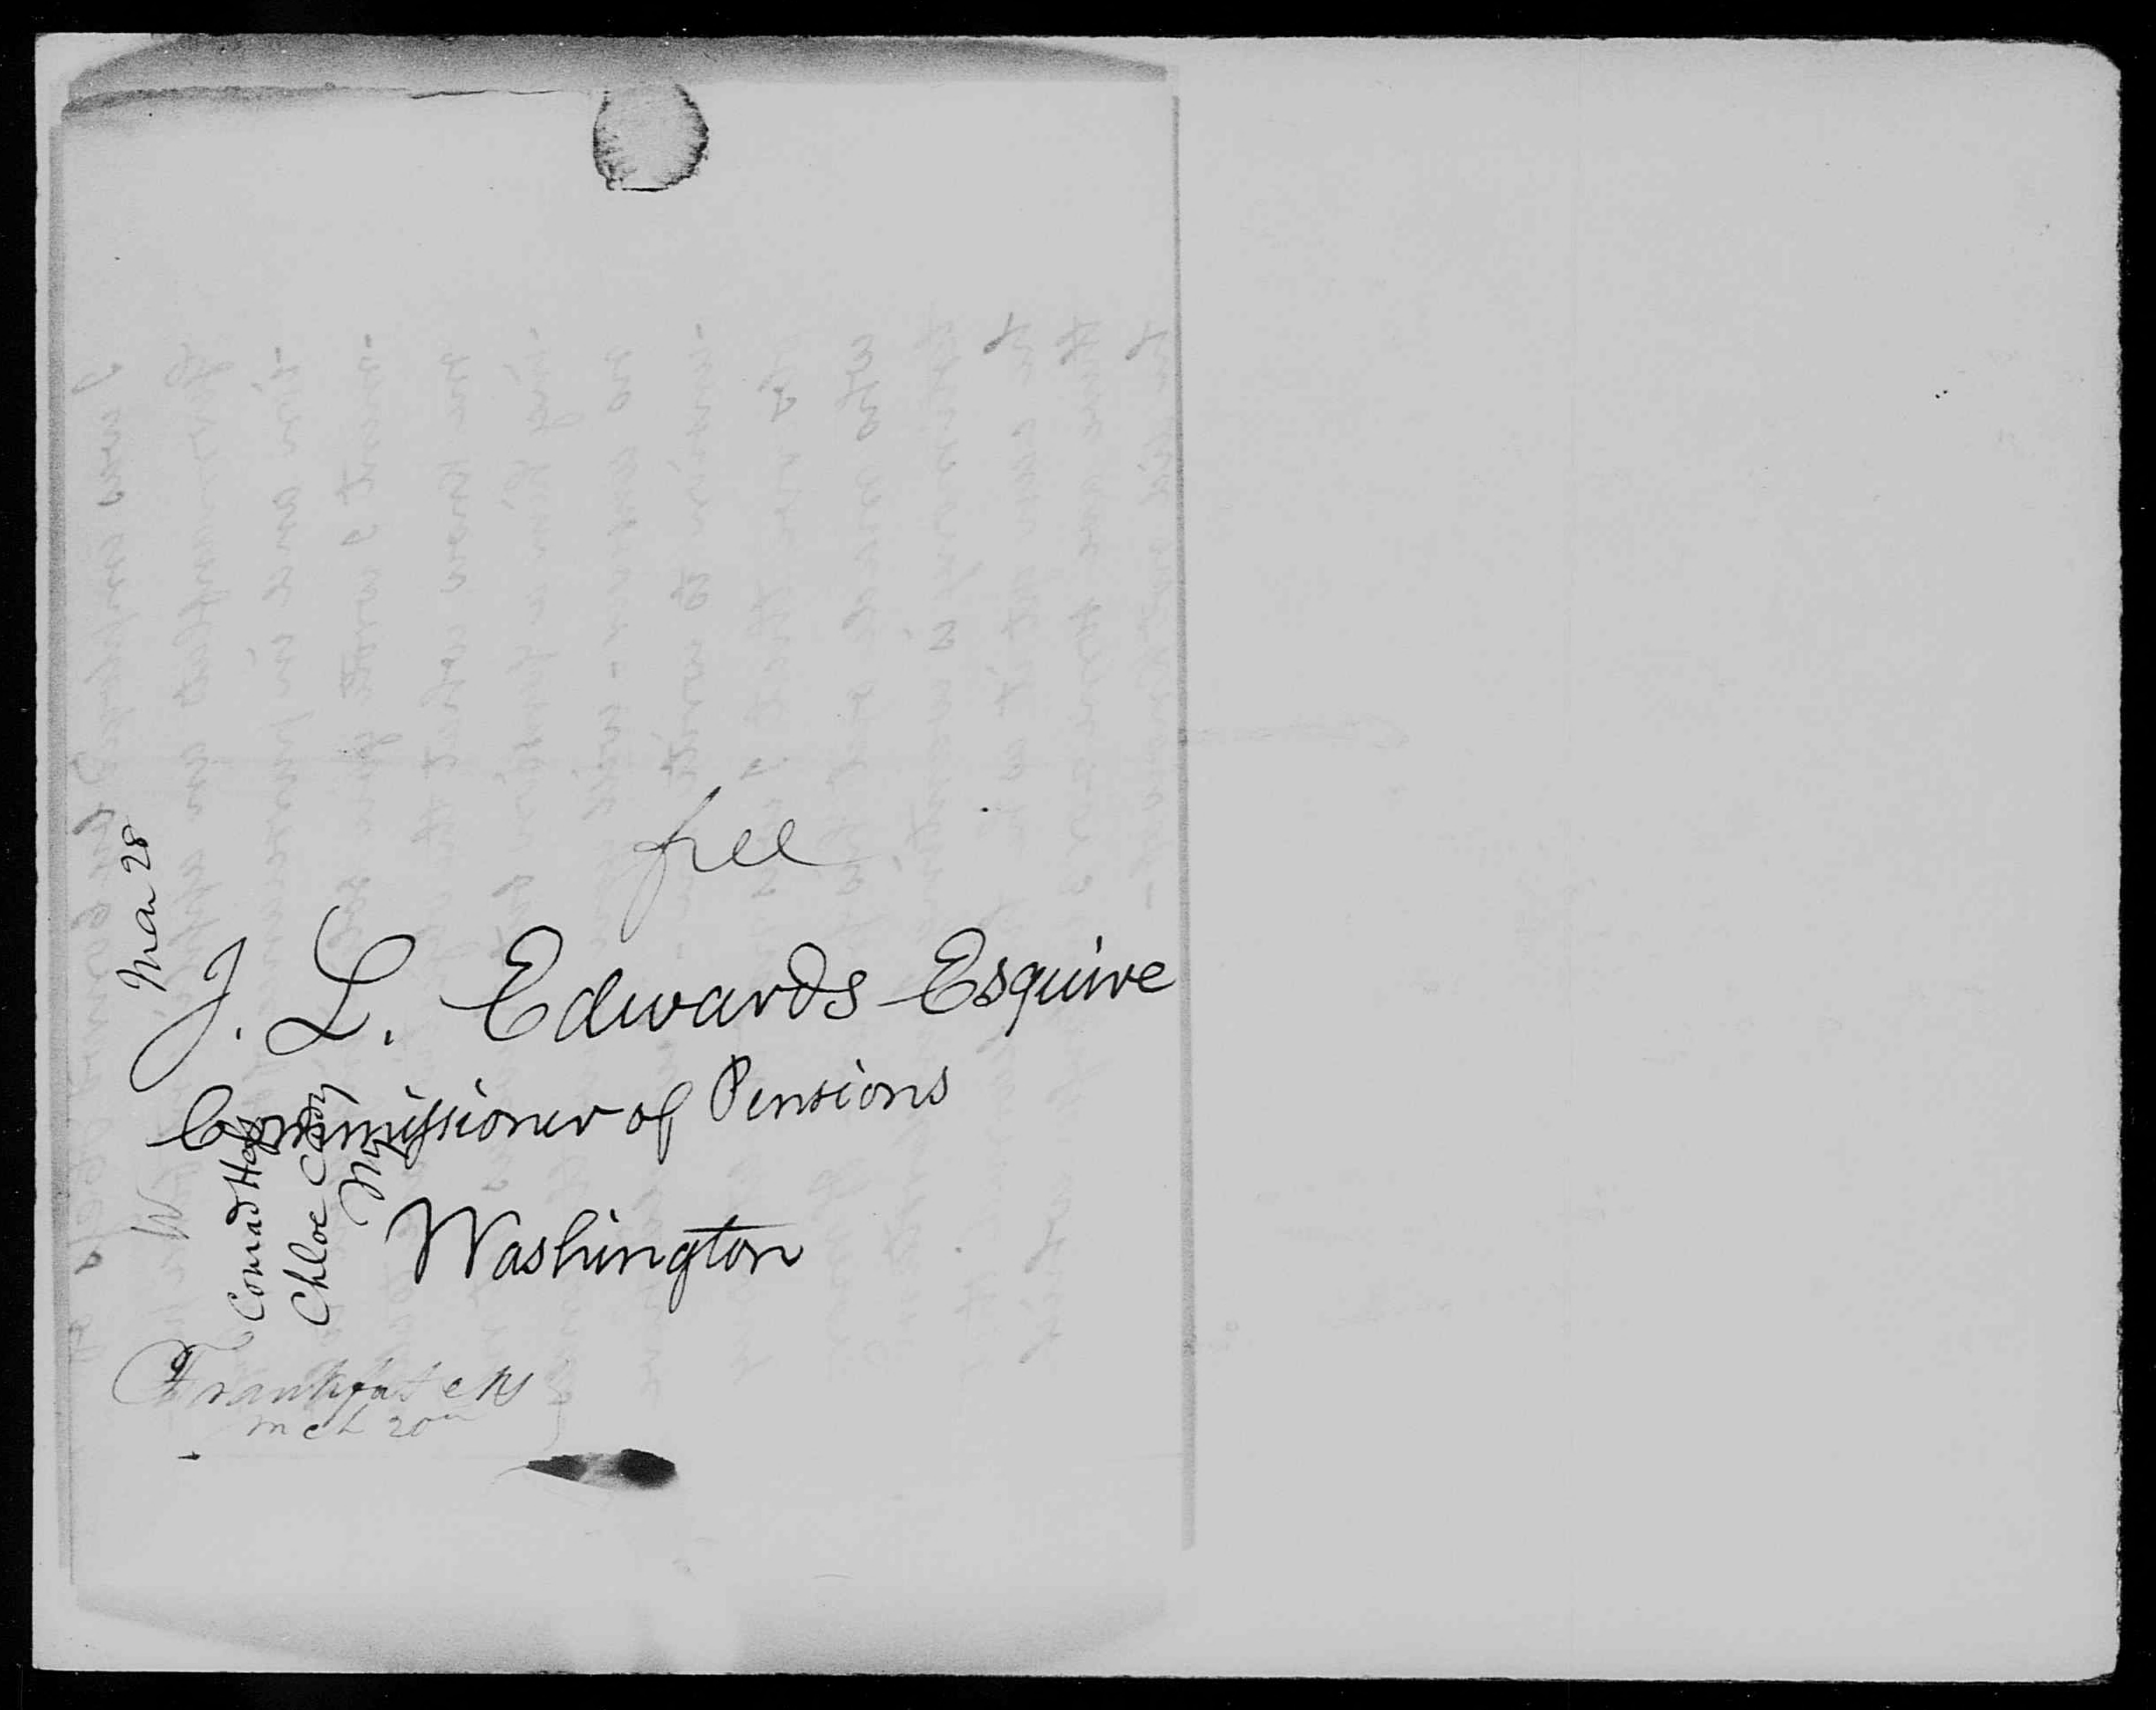[handwritten]

Mar 28 [written vertically left side]
free
J. L. Edward Esquire
Commissioner of Pensions
Washington

Conrad Hess
Chloe Cady
NY

Frankfort NY
mch 20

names: Conrad Hess, J L Edwards, Chloe Cady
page: 28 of 30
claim: rejected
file: R. 4927, Conrad Hess, New York